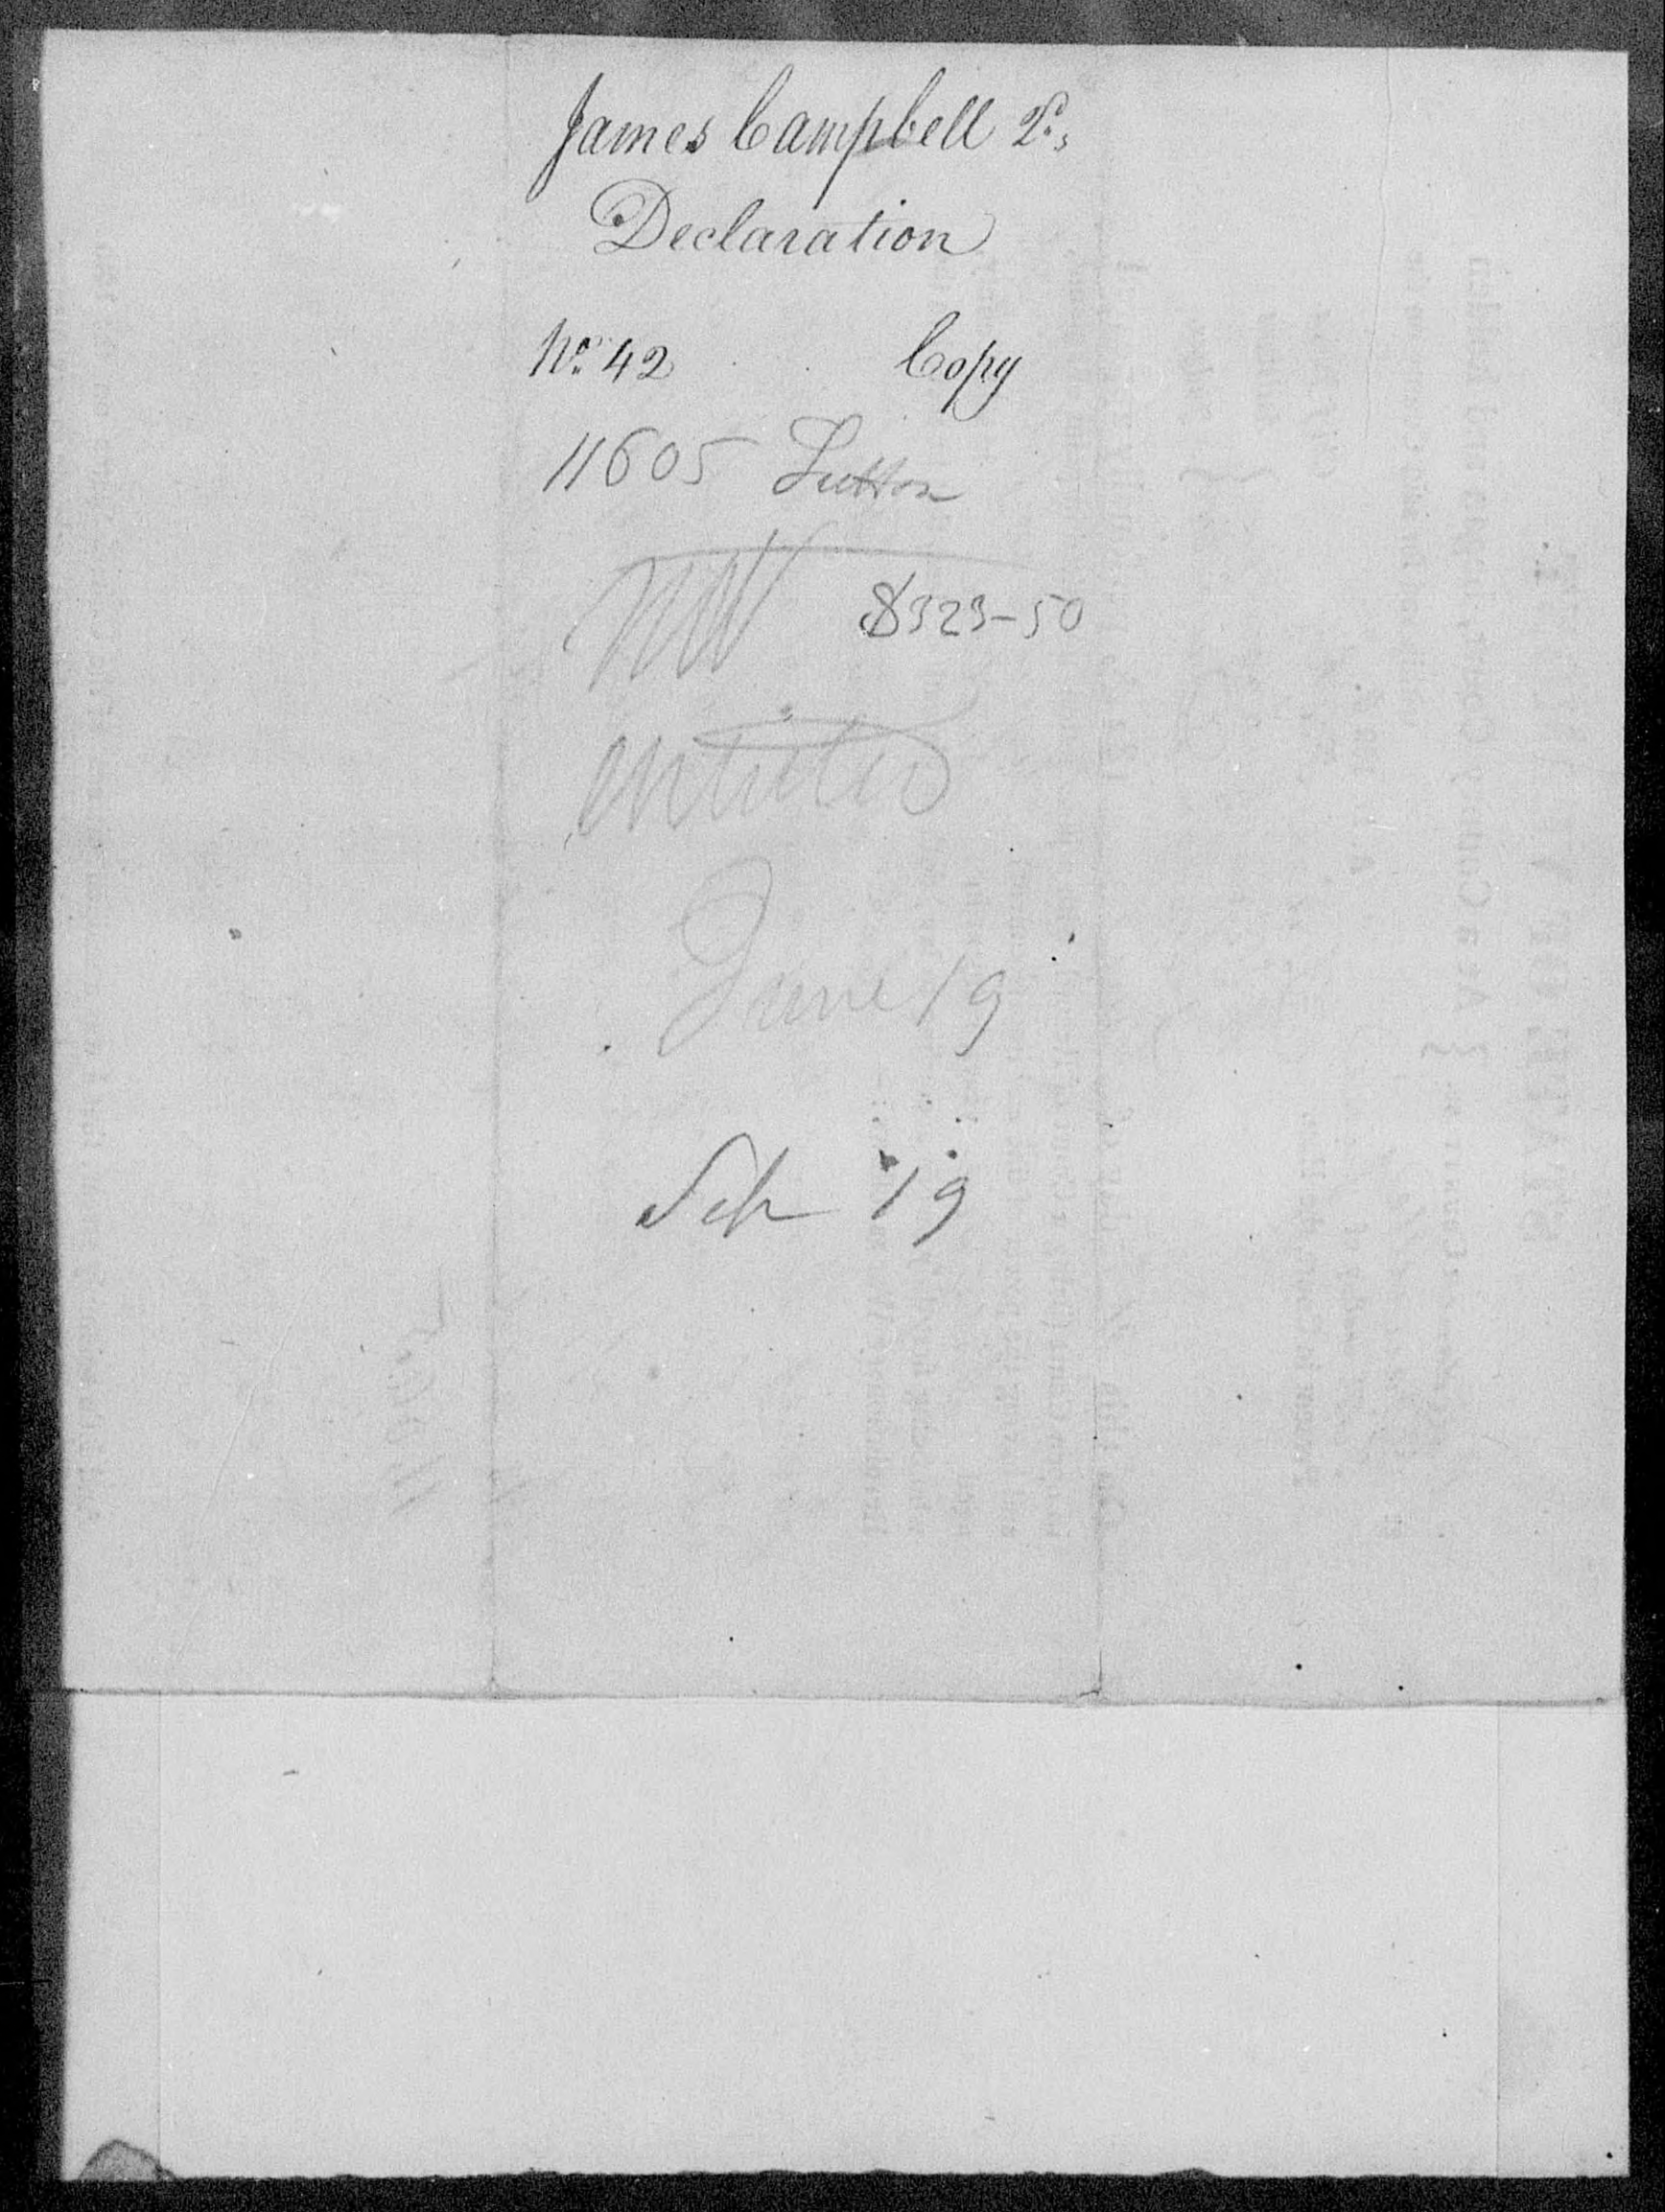James Campbell 2d.'s┃
Declaration

No. 42   Copy

11605 Sutton

RW  $323-50
entitled
June 19

Sep 19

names: James Campbell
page: 44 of 67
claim: widow's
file: W. 23772, James Campbell, Continental Mass.